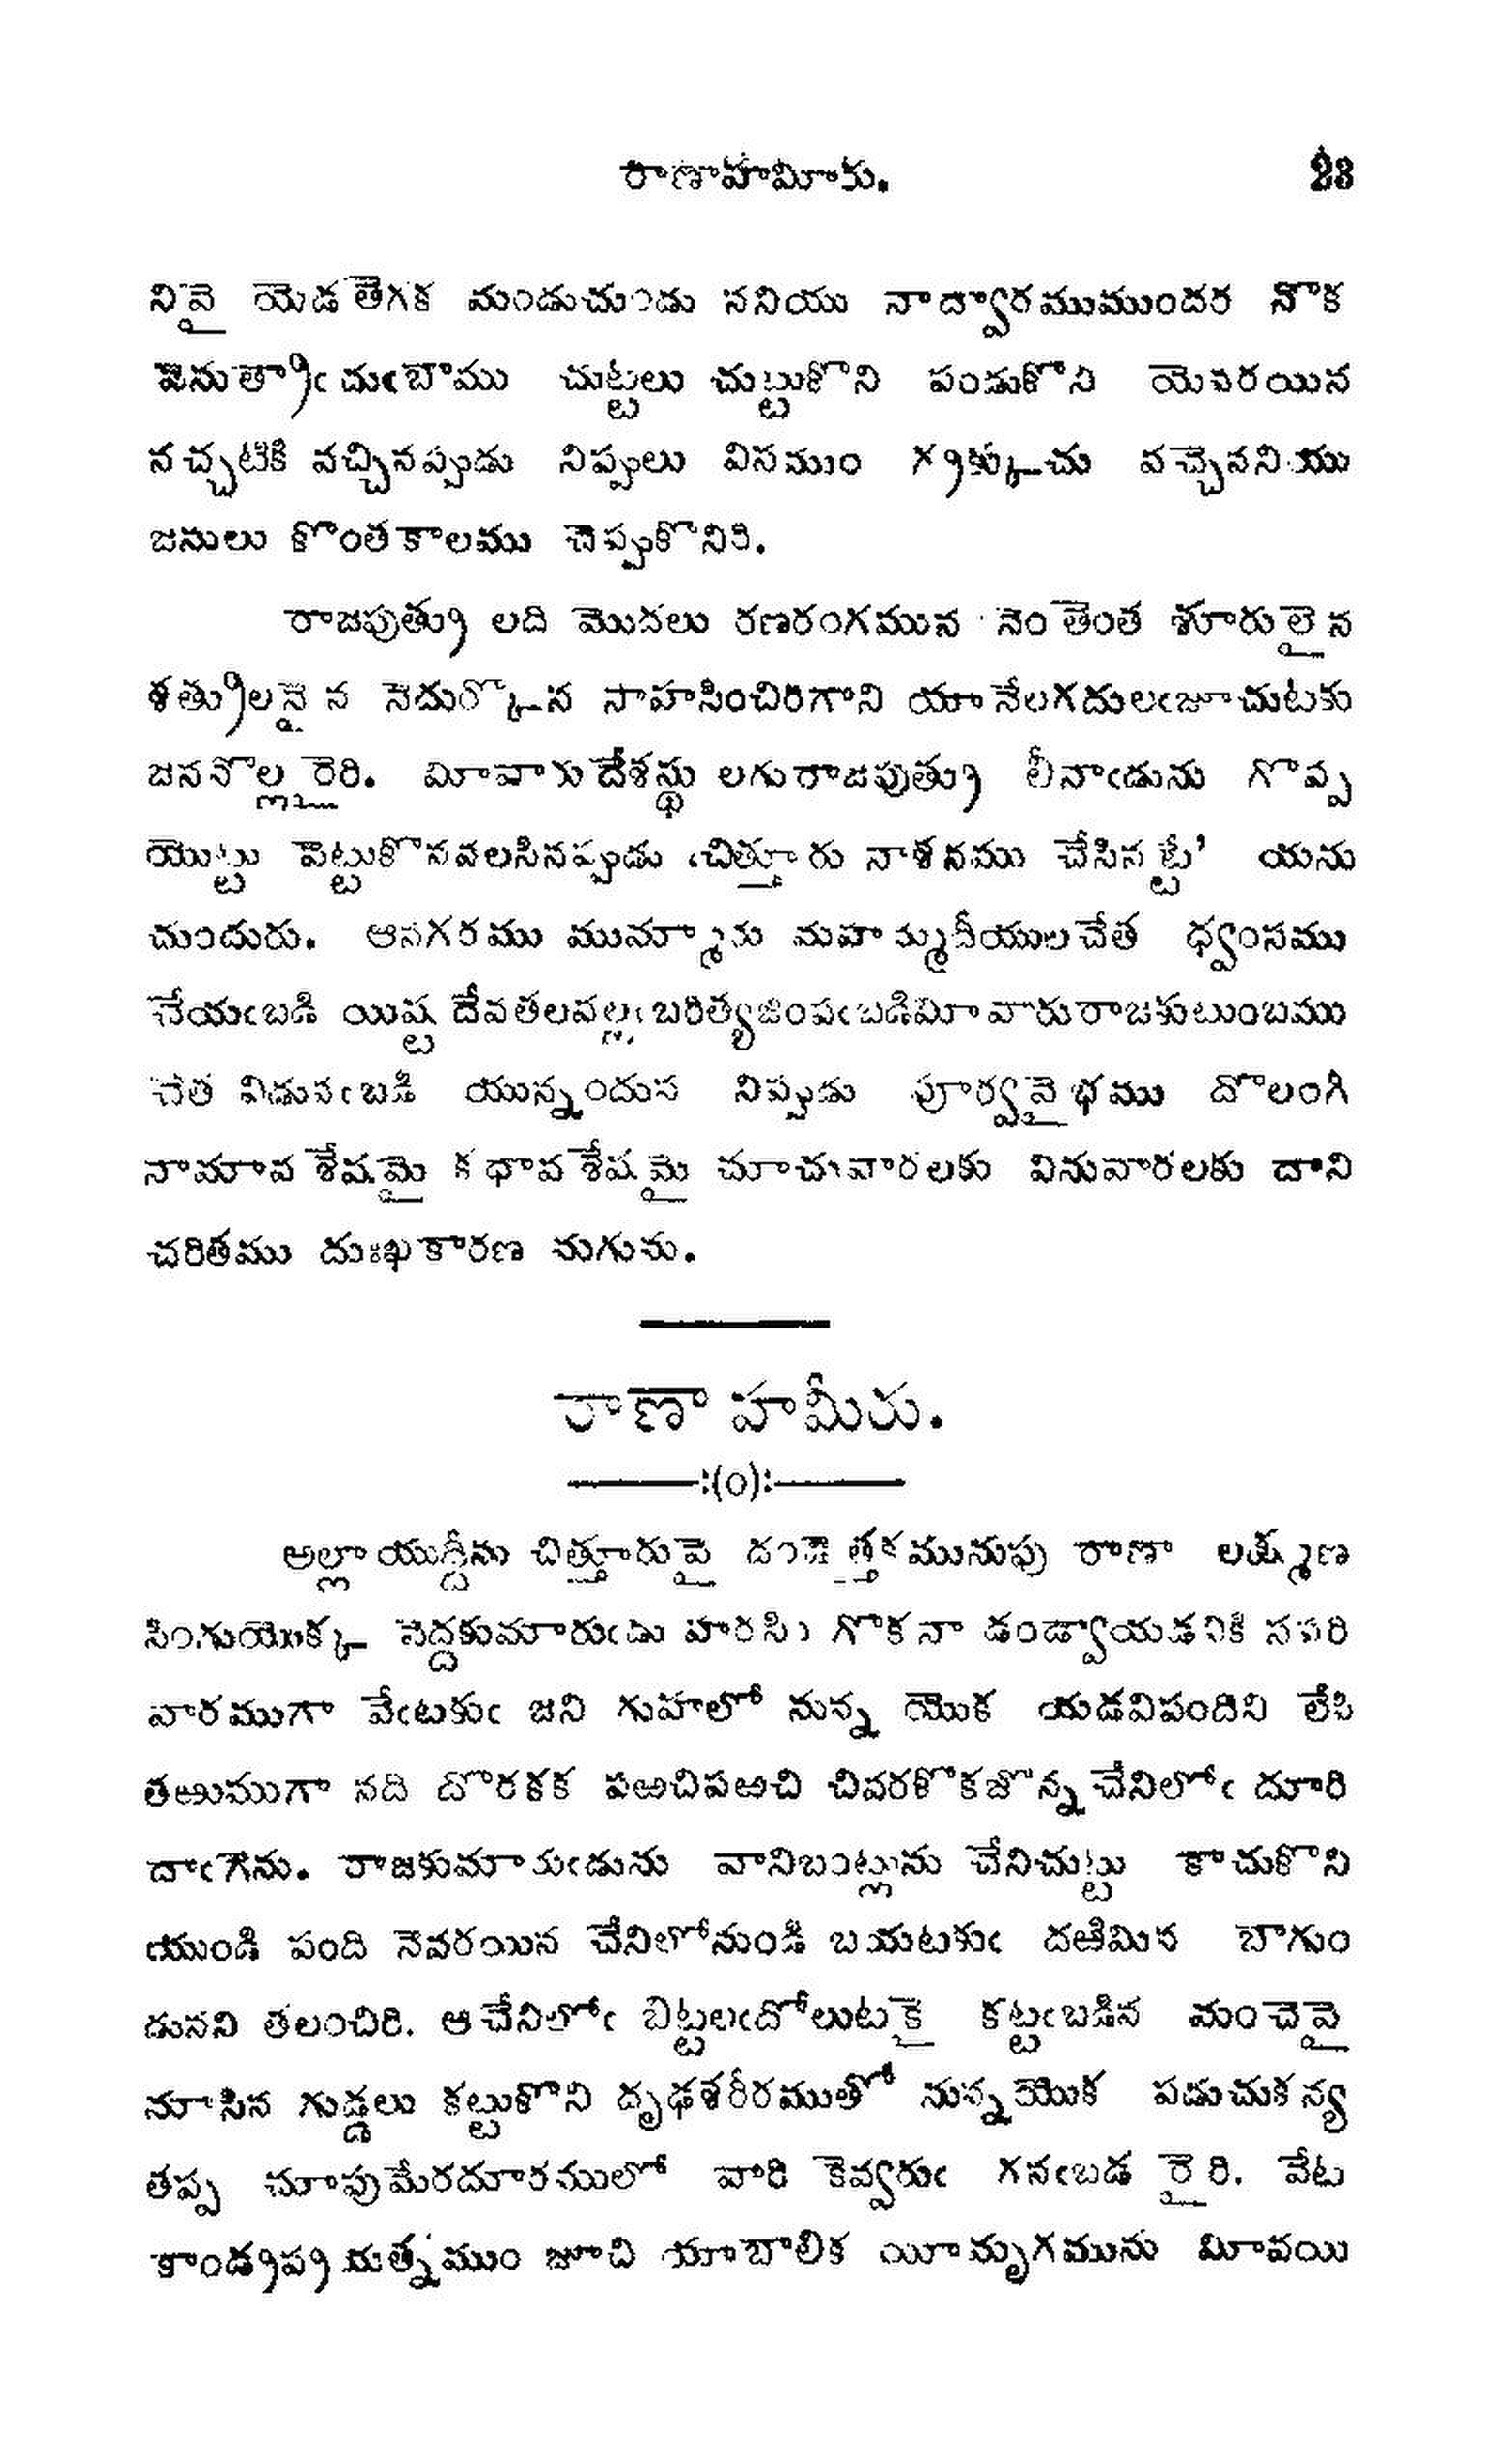నివై యెడతెగక మండుచుండు ననియు నాద్వారముముందర నొక పెనుత్రాఁచుఁబాము చుట్టలు చుట్టుకొని పండుకొని యెవరయిన నచ్చటికి వచ్చినప్పుడు నిప్పులు విసముం గ్రక్కుచు వచ్చెననియు జనులు కొంతకాలము చెప్పుకొనిరి.

రాజపుత్రు లది మొదలు రణరంగమున నెంతెంత శూరులైన శత్రులనైన నెదుర్కొన సాహసించిరిగాని యానేలగదులఁజూచుటకు జననొల్లరైరి. మేవారుదేశస్థు లగురాజపుత్రు లీనాఁడును గొప్ప యొట్టు పెట్టుకొనవలసినప్పుడు 'చిత్తూరు నాశనము చేసినట్టే' యనుచుందురు. ఆనగరము ముమ్మారు మహమ్మదీయులచేత ధ్వంసము చేయఁబడి యిష్టదేవతలవల్ల, బరిత్యజింపఁబడి మేవారు రాజకుటుంబము
చేత విడువఁబడి యున్నందున నిప్పుడు పూర్వవైభము దొలంగి నామావశేషమై కథావశేషమై చూచువారలకు వినువారలకు దాని చరితము దుఃఖకారణ మగును.

రాణా హమీరు.

అల్లాయుద్దీసు చిత్తూరుపై దండెత్తకమునుపు రాణా లక్ష్మణసింగుయెుక్క పెద్దకుమారుఁడు హరసిం గోకనా డండ్వాయడవికి సపరివారముగా వేఁటకుఁ జని గుహలో నున్న యొక యడవిపందిని లేపి తఱుముగా నది దొరకక పఱచిపఱచి చివరకోకజొన్న చేనిలోఁ దూరి దాఁగెను. రాజకుమారుఁడును వానిబంట్లును చేనిచుట్టు కాచుకొని యుండి పంది నెవరయిన చేనిలోనుండి బయటకుఁ దఱిమిన బాగుండునని తలంచిరి. ఆ చేనిలోఁ బిట్టలఁదోలుటకై కట్టఁబడిన మంచెపై మాసిన గుడ్డలు కట్టుకొని దృఢశరీరముతో నున్నయొక పడుచుకన్య
తప్ప చూపుమేరదూరములో వారి కెవ్వరుఁ గనఁబడ రైరి. వేటకాండ్రప్రయత్నముం జూచి యాబాలిక యీమృగమును మీవయి